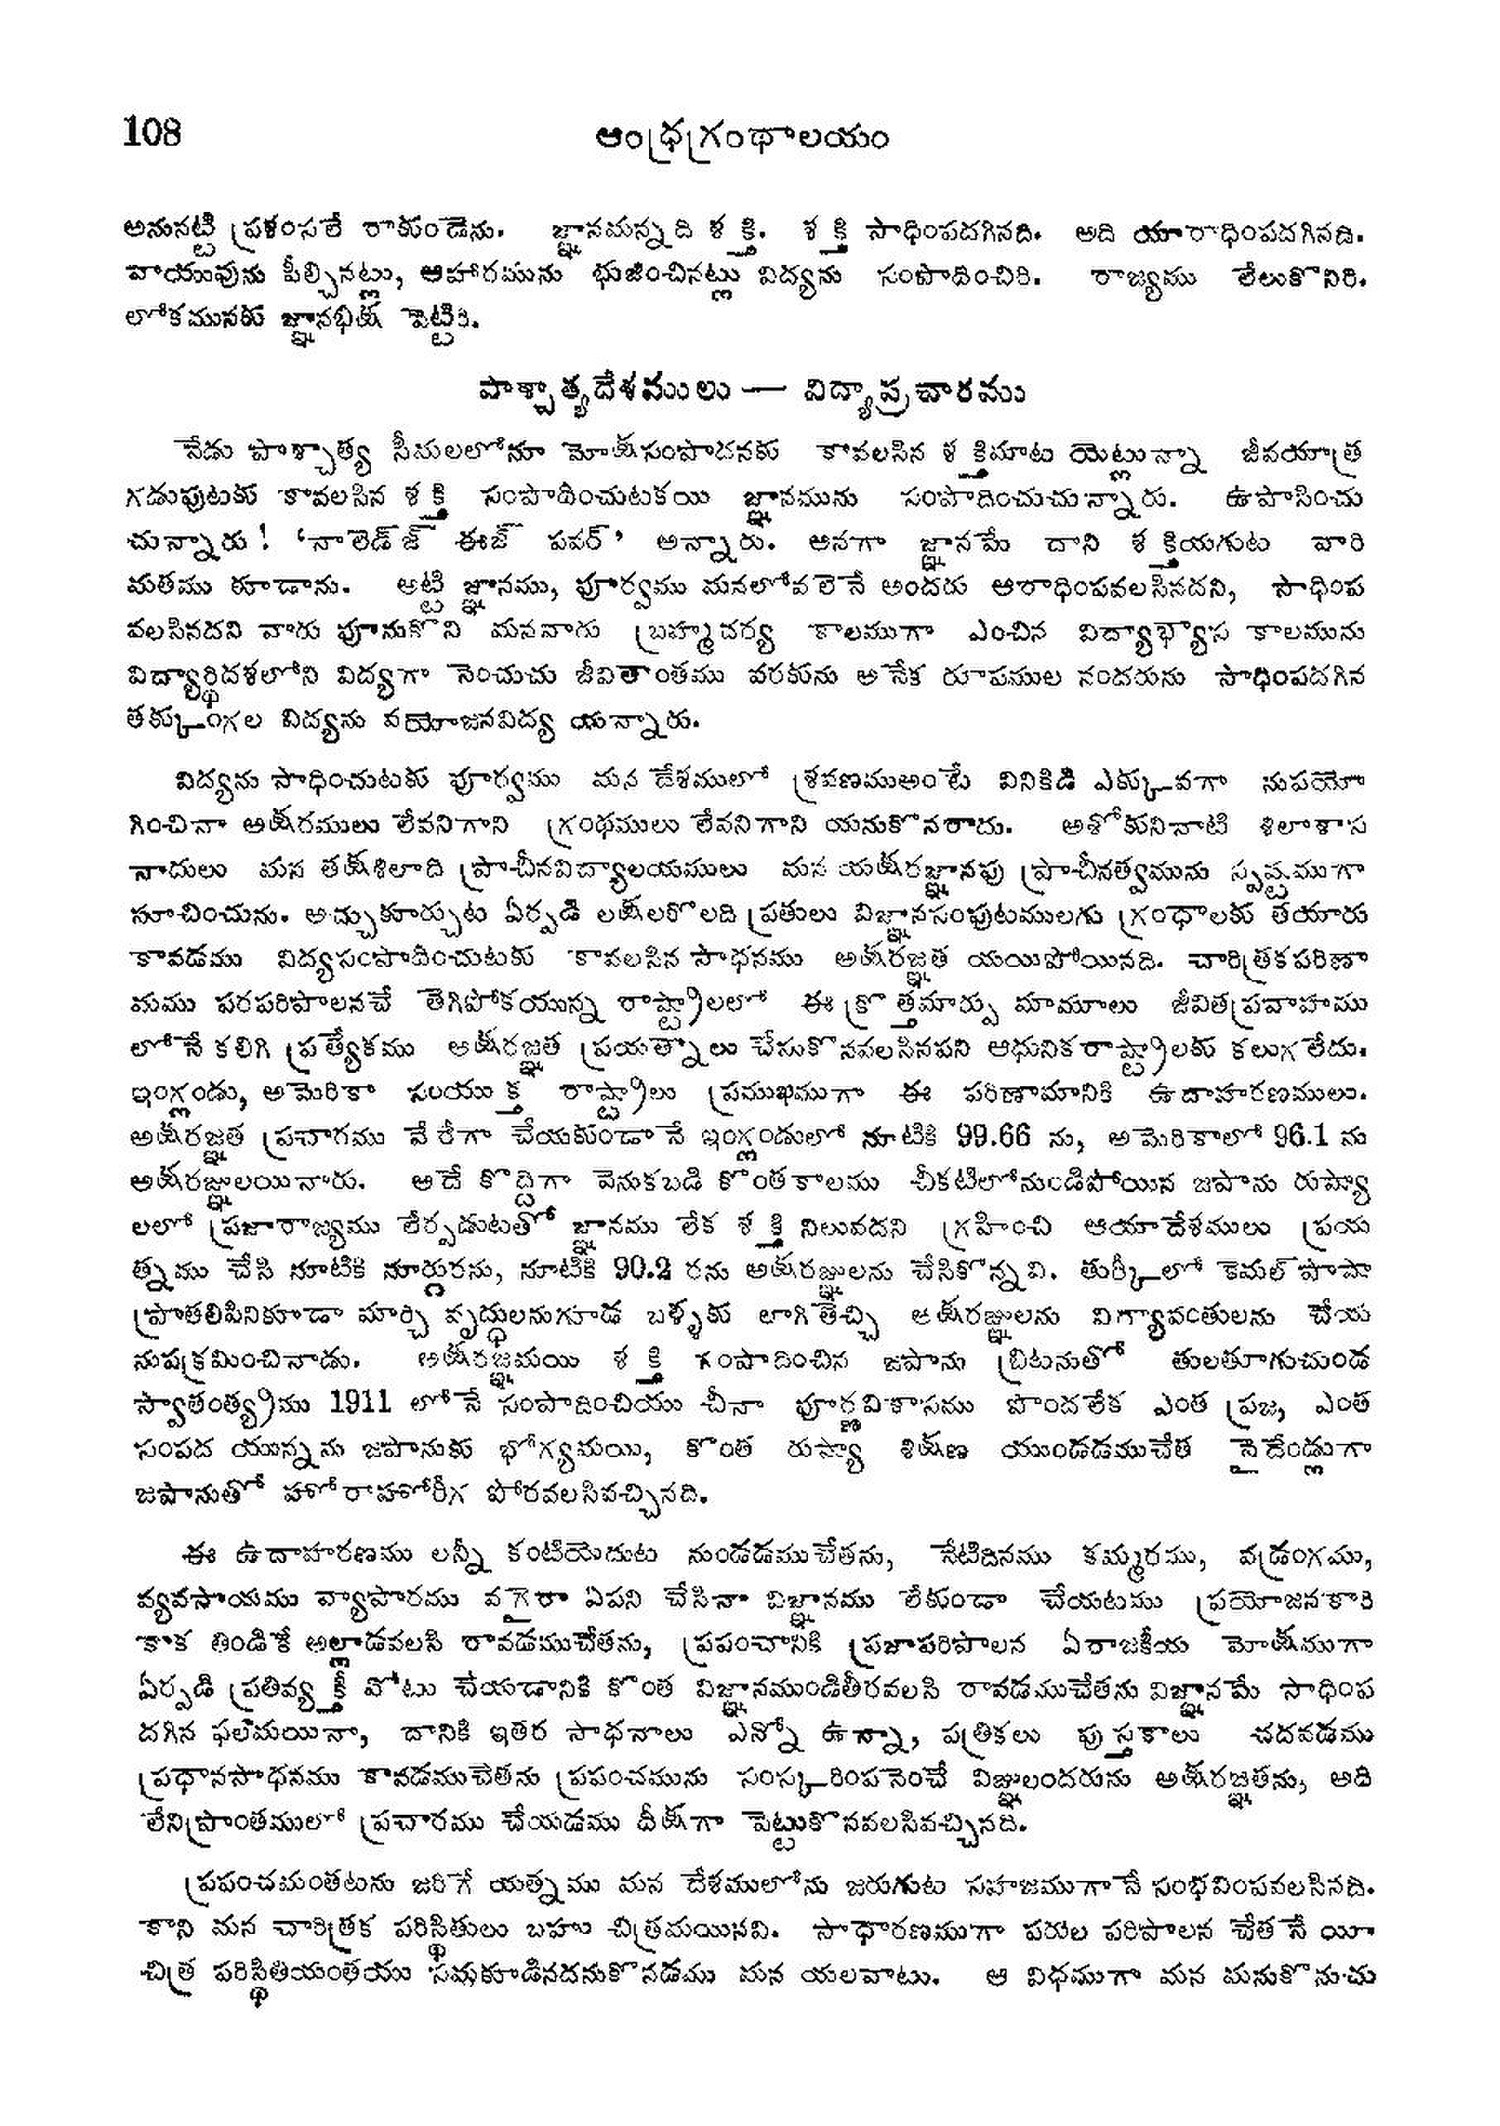అనునట్టి ప్రశంసలే రాకుండెను. జ్ఞానమన్నది శక్తి. శక్తి సాధింపదగినది. అది యారాధింపదగినది. వాయువును పీల్చినట్లు, 
ఆహారమును భుజించినట్లు విద్యను సంపాదించిరి. రాజ్యము లేలుకొనిరి. లోకమునకు జ్ఞానభిక్ష పెట్టిరి.

నేడు పాశ్చాత్య సీనులలోనూ 'మోక్షసంపాదనకు కావలసిన శక్తిమాట యెట్లున్నా జీవయాత్ర గడుపుటకు కావలసిన శక్తి 
సంపాదించుటకయి జ్ఞానమును సంపాదించుచున్నారు. ఉపాసించు చున్నారు! 'నాలెడ్జ్ ఈజ్ పవర్' అన్నారు. అనగా 
జ్ఞానమే దాని శక్తియగుట వారి మతము కూడాను. అట్టి జ్ఞానము, పూర్వము మనలోవలెనే అందరు ఆరాధింపవలసినదని, 
సాధింప వలసినదని వారు పూనుకొని మనవారు బ్రహ్మచర్య కాలముగా ఎంచిన విద్యాభ్యాస కాలమును విద్యార్థిదశలోని 
విద్యగా నెంచుచు జీవితాంతము వరకును అనేక రూపముల నందరును సాధింపదగిన తక్కుగల విద్యను వయోజనవిద్య 
యన్నారు.

విద్యను సాధించుటకు పూర్వము మన దేశములో శ్రవణముఅంటే వినికిడి ఎక్కువగా నుపయోగించినా అక్షరములు 
లేవనిగాని గ్రంథములు లేవనిగాని యనుకొనరాదు. అశోకుని నాటి శిలాశాసనాదులు మన తక్షశిలాది ప్రాచీన
విద్యాలయములు మన యక్షరజ్ఞానపు ప్రాచీనత్వమును స్పష్టముగా సూచించును. అచ్చుకూర్చుట ఏర్పడి లక్షలకొలది 
ప్రతులు విజ్ఞానసంపుటములగు గ్రంధాలకు తయారు కావడము విద్య సంపాదించుటకు కావలసిన సాధనము అంతరజ్ఞత 
యయిపోయినది. చారిత్రక పరిణామము పరపరిపాలనచే తెగిపోకయున్న రాష్ట్రాలలో ఈ క్రొత్తమార్పు మామూలు 
జీవితప్రవాహము లోనే కలిగి ప్రత్యేకము అక్షరజ్ఞత ప్రయత్నాలు చేసుకొనవలసినపని ఆధునిక ష్ట్రాలకు కలుగ లేదు.
ఇంగ్లండు, అమెరికా సంయుక్త రాష్ట్రాలు ప్రముఖముగా ఈ పరిణామానికి ఉదాహరణములు. అక్షరజ్ఞత ప్రచాగము వేరేగా 
చేయకుండానే ఇంగ్లండులో నూటికి 99.66 ను, అమెరికాలో 26.1 ను అక్షరజ్ఞులయినారు. అదే కొద్దిగా వెనుకబడి 
కొంతకాలము చీకటిలోనుండిపోయిన జపాను రుష్యాలలో ప్రజారాజ్యము లేర్పడుటతో జ్ఞానము లేక శక్తి నిలువదని గ్రహించి 
ఆయా దేశములు ప్రయత్నము చేసి నూటికి నూర్గురను, నూటికి 90.2 రను అశురజ్ఞులను చేసికొన్నవి. తుర్కీలో 
కెమల్ పాషా ప్రాతలిపినికూడా మార్చి వృద్ధులనుగూడ బళ్ళకు లాగితేచ్చి ఆక్షరజ్ఞులను విద్యావంతులను 
చేయనుపక్రమించినాడు. అక్షరజ్జమయి శక్తి సంపాదించిన జపాను బ్రిటనుతో జపాను బ్రిటనుతో తులతూగుచుండ
స్వాతంత్య్రము 1911 లోనే సంపాదించియు చీనా పూర్ణవికాసము పొందలేక ఎంత ప్రజ, ఎంత సంపద యున్నను 
జపానుకు భోగ్యమయి, కొంత రష్యా శిక్షణ యుండడము చేత నైదేండ్లుగా జపానుతో హోరాహోరీగా పోరవలసివచ్చినది.

ఈ ఉదాహరణము లన్నీ కంటియెదుట నుండడముచేతను, నేటిదినము కమ్మరము, వడ్రంగము, వ్యవసాయము 
వ్యాపారము వగైరా ఏపని చేసినా విజ్ఞానము లేకుండా చేయటము ప్రయోజనకారి కాక తిండికే అల్లాడవలసి 
రావడముచేతను, ప్రపంచానికి ప్రజాపరిపాలన ఏరాజకీయ మోక్షముగా ఏర్పడి ప్రతివ్యక్తీ వోటు చేయడానికి కొంత 
విజ్ఞానముండితీరవలసి రావడముచేతను విజ్ఞానమే సాధింపదగిన ఫలమయినా, దానికి ఇతర సాధనాలు ఎన్నో ఉన్నా, 
పత్రికలు పుస్తకాలు చదవడము ప్రధానసాధనము కొనడముచేతను ప్రపంచమును సంస్కరింపనెంచే విజ్ఞులందరును
అక్షరజ్ఞతను, అదీ లేనిప్రాంతములో ప్రచారము చేయడము దీక్షగా పెట్టుకొనవలసివచ్చినది.

ప్రపంచమంతటను జరిగే యత్నము మన దేశములోను జరుగుట సహజముగానే సంభవింపవలసినది. కాని మన 
చారిత్రక పరిస్థితులు బహు చిత్రమయినవి. సాధారణముగా పరుల పరిపాలన చేతనే యీ చిత్ర పరిస్థితియంతయు సమకూడినదనుకొనడము మన యలవాటు. ఆ విధముగా మన మనుకొనుచు